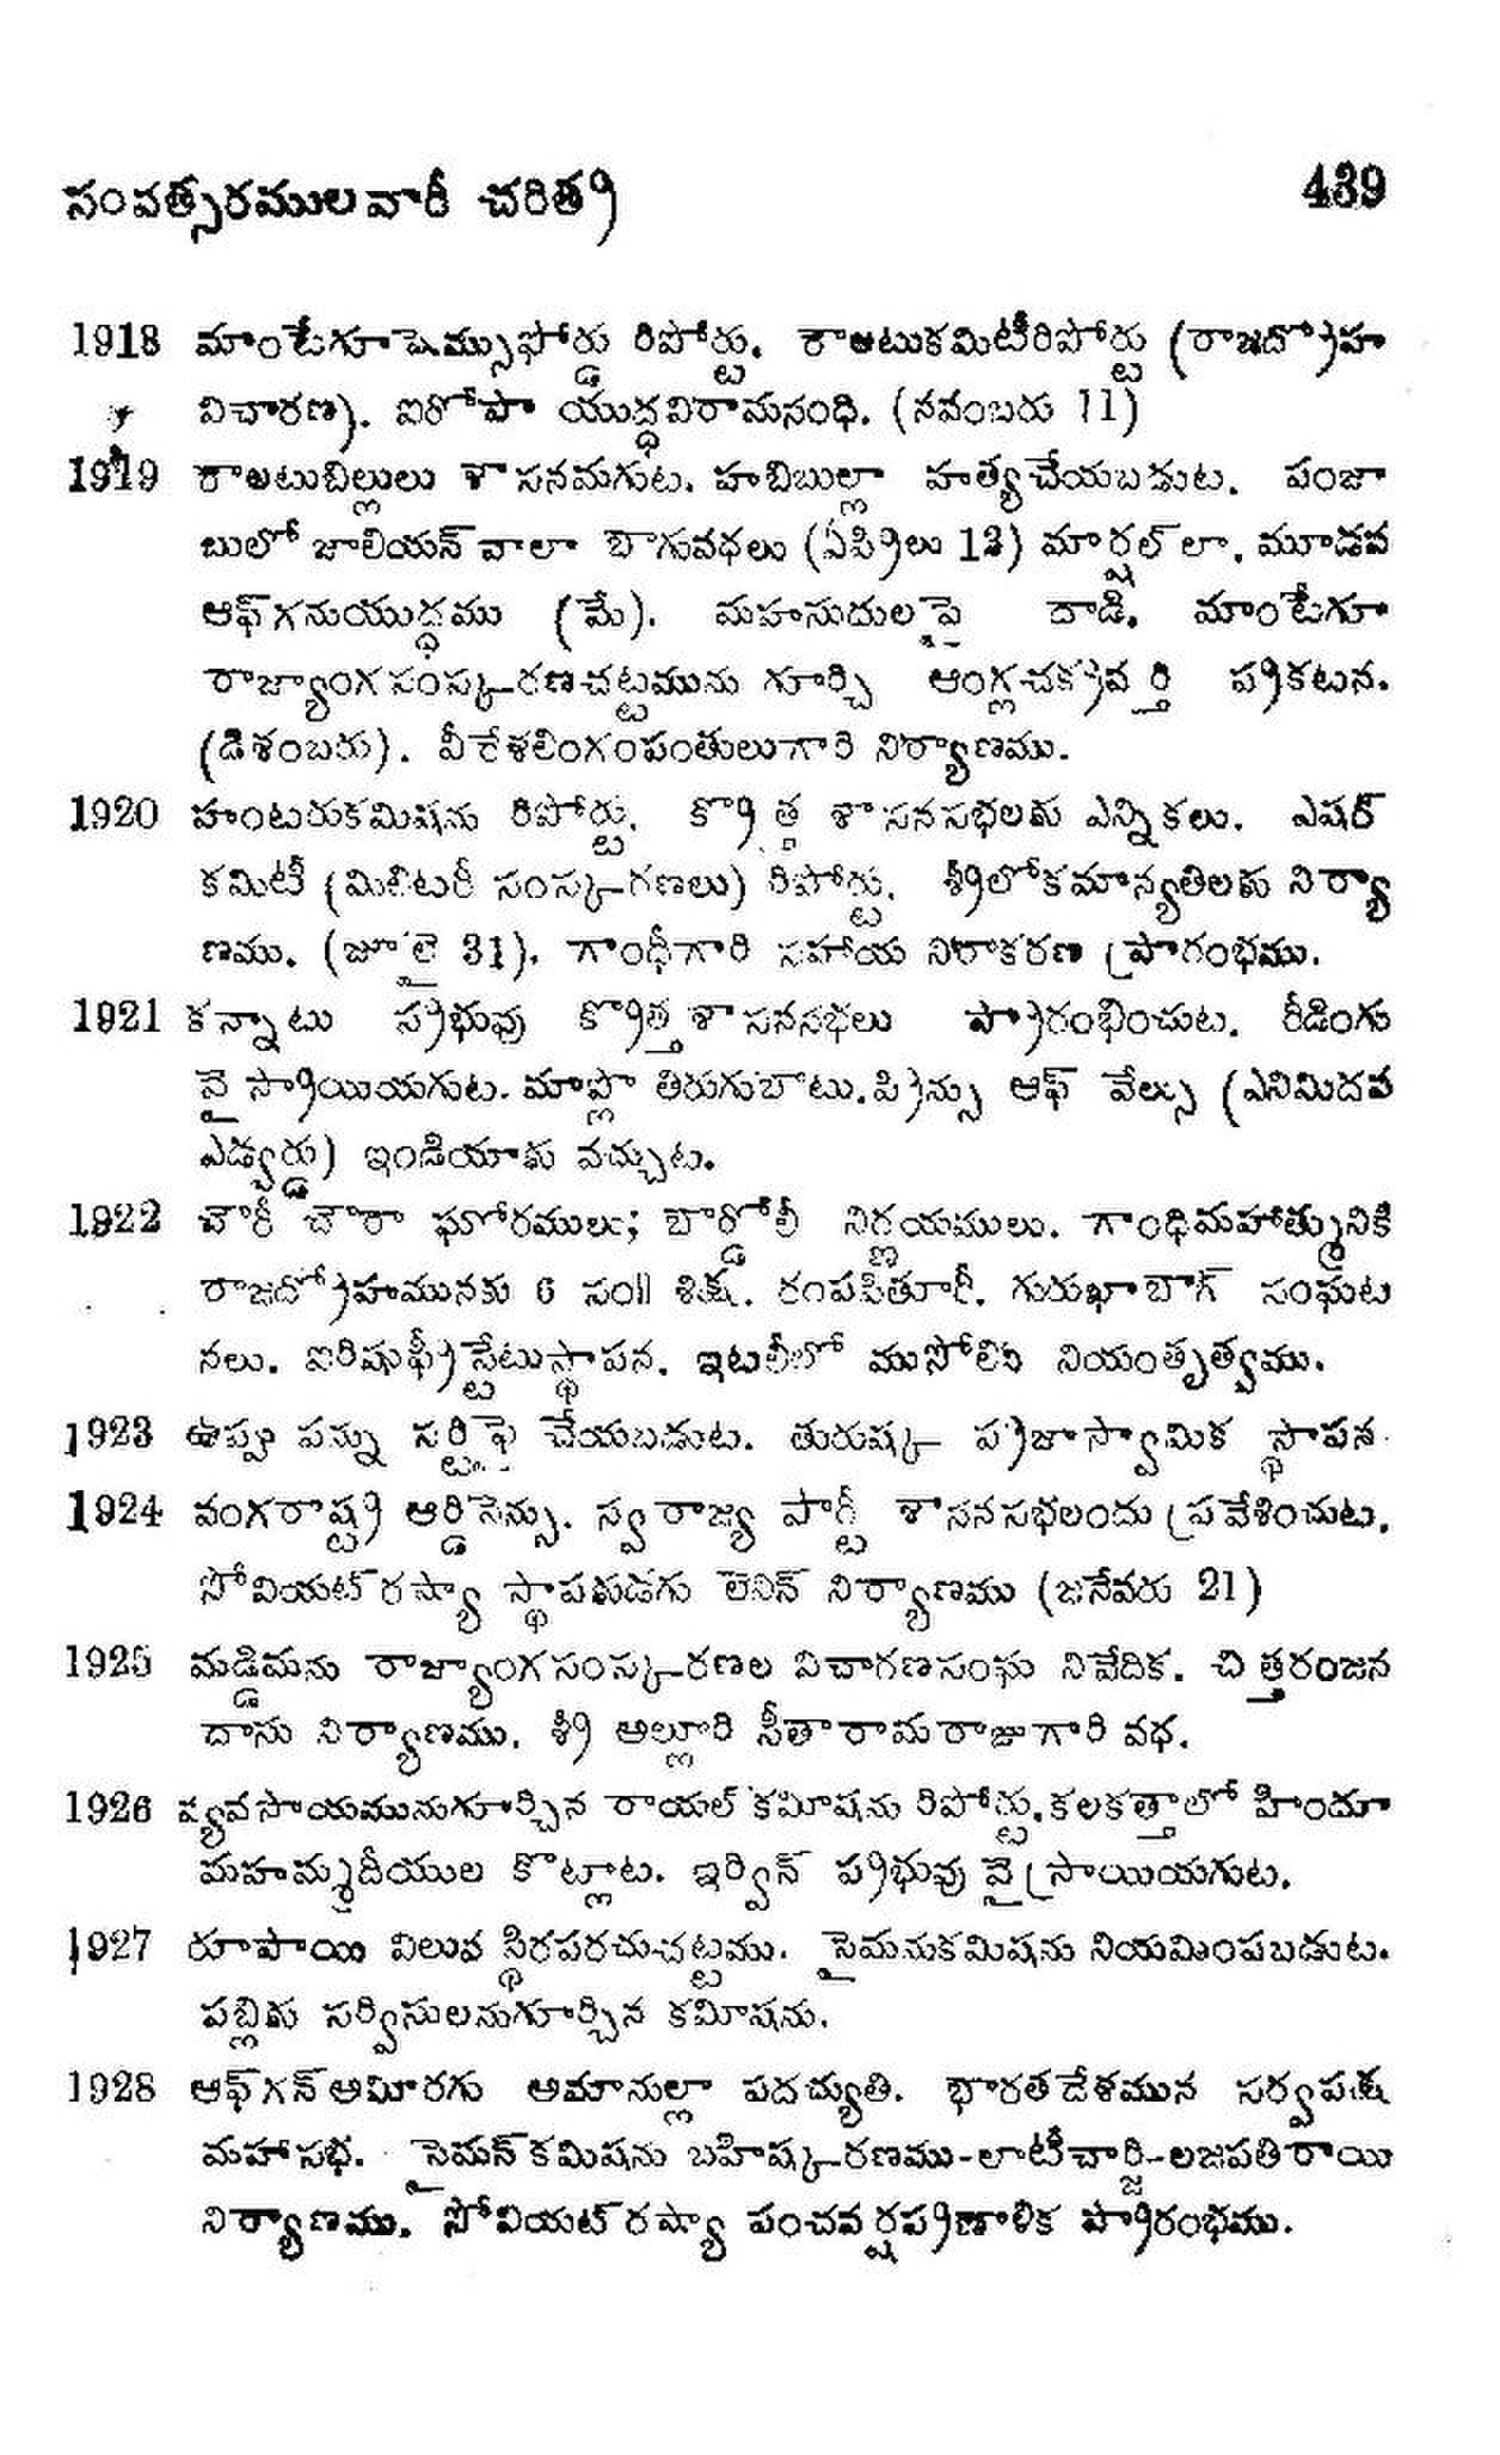1918 మాంటేగూ షెమ్సుఫోర్టు రిపోర్టు, రౌలటుకమిటీరిపోర్టు (రాజద్రోహ విచారణ). ఐరోపా యుద్ధవిరామసంధి. (నవంబరు 11) 

1919 రౌలటుబిల్లులు శాసనమగుట. హబిబుల్లా హత్యచేయబడుట. పంజాబులో జాలియన్ వాలా బాగువధలు (ఏప్రిలు 12) మార్షల్ లా, మూడవ ఆఫ్‌గను యుద్ధము (మే). మహసుదులపై దాడి. మాంటేగూ రాజ్యాంగ సంస్కరణ చట్టమును గూర్చి ఆంగ్లచక్రవర్తి ప్రకటన. (డిశంబరు). వీరేశలింగంపంతులుగారి నిర్యాణము. 

1920 హంటరుకమిషను రిపోర్టు. క్రొత్త శాసనసభలకు ఎన్నికలు, ఎషర్ కమిటీ (మిలిటరీ సంస్కరణలు) రిపోర్టు. శ్రీలోకమాన్యతిలకు నిర్యాణము. (జూలై 31). గాంధీగారి సహాయ నిరాకరణ ప్రారంభము. 

1921 కన్నాటు ప్రభువు క్రొత్తశాసనసభలు ప్రారంభించుట. రీడింగు వైస్రాయియగుట. మాప్లా తిరుగుబాటు. ప్రిన్సు ఆఫ్ వేల్సు (ఎనిమిదవ ఎడ్వర్డు) ఇండియాకు వచ్చుట. 

1922 చౌరీచౌరా ఘోరములు; బార్డోలీ నిర్ణయములు. గాంధిమహాత్మునికి రాజద్రోహమునకు 6 సం|| శిక్ష. రంపపితూరీ. గురుఖాబాగ్ సంఘటనలు. ఐరిషుఫ్రీస్టేటుస్థాపన. ఇటలీలో ముసోలిని నియంతృత్వము. 

1923 ఉప్పు పన్ను సర్టిఫై చేయబడుట. తురుష్క ప్రజాస్వామిక స్థాపన. 

1924 వంగరాష్ట్ర ఆర్డినెన్సు. స్వరాజ్య పార్టీ శాసనసభలందు ప్రవేశించుట. సోవియట్ రష్యా స్థాపకుడగు లెనిన్ నిర్యాణము (జనేవరు 21) 

1925 మడ్డిమను రాజ్యాంగసంస్కరణల విచారణసంఘ నివేదిక. చిత్తరంజనదాసు నిర్యాణము. శ్రీ అల్లూరి సీతారామరాజుగారి వధ. 

1926 వ్యవసాయమునుగూర్చిన రాయల్ కమీషను రిపోర్టు, కలకత్తాలో హిందూమహమ్మదీయుల కొట్లాట. ఇర్విన్ ప్రభువు వైస్రాయియగుట. 

1927 రూపాయి విలువ స్థిరపరచుచట్టము. సైమనుకమిషను నియమింపబడుట. పబ్లికు సర్విసులనుగూర్చిన కమీషను. 

1928 ఆఫ్‌గ౯ అమీరగు అమానుల్లా పదచ్యుతి. భారతదేశమున సర్వపక్ష మహాసభ. సైమన్ కమిషను బహిష్కరణము-లాటీచార్జి లజపతిరాయి నిర్యాణము. సోవియట్ రష్యా పంచవర్ష ప్రణాళిక ప్రారంభము.